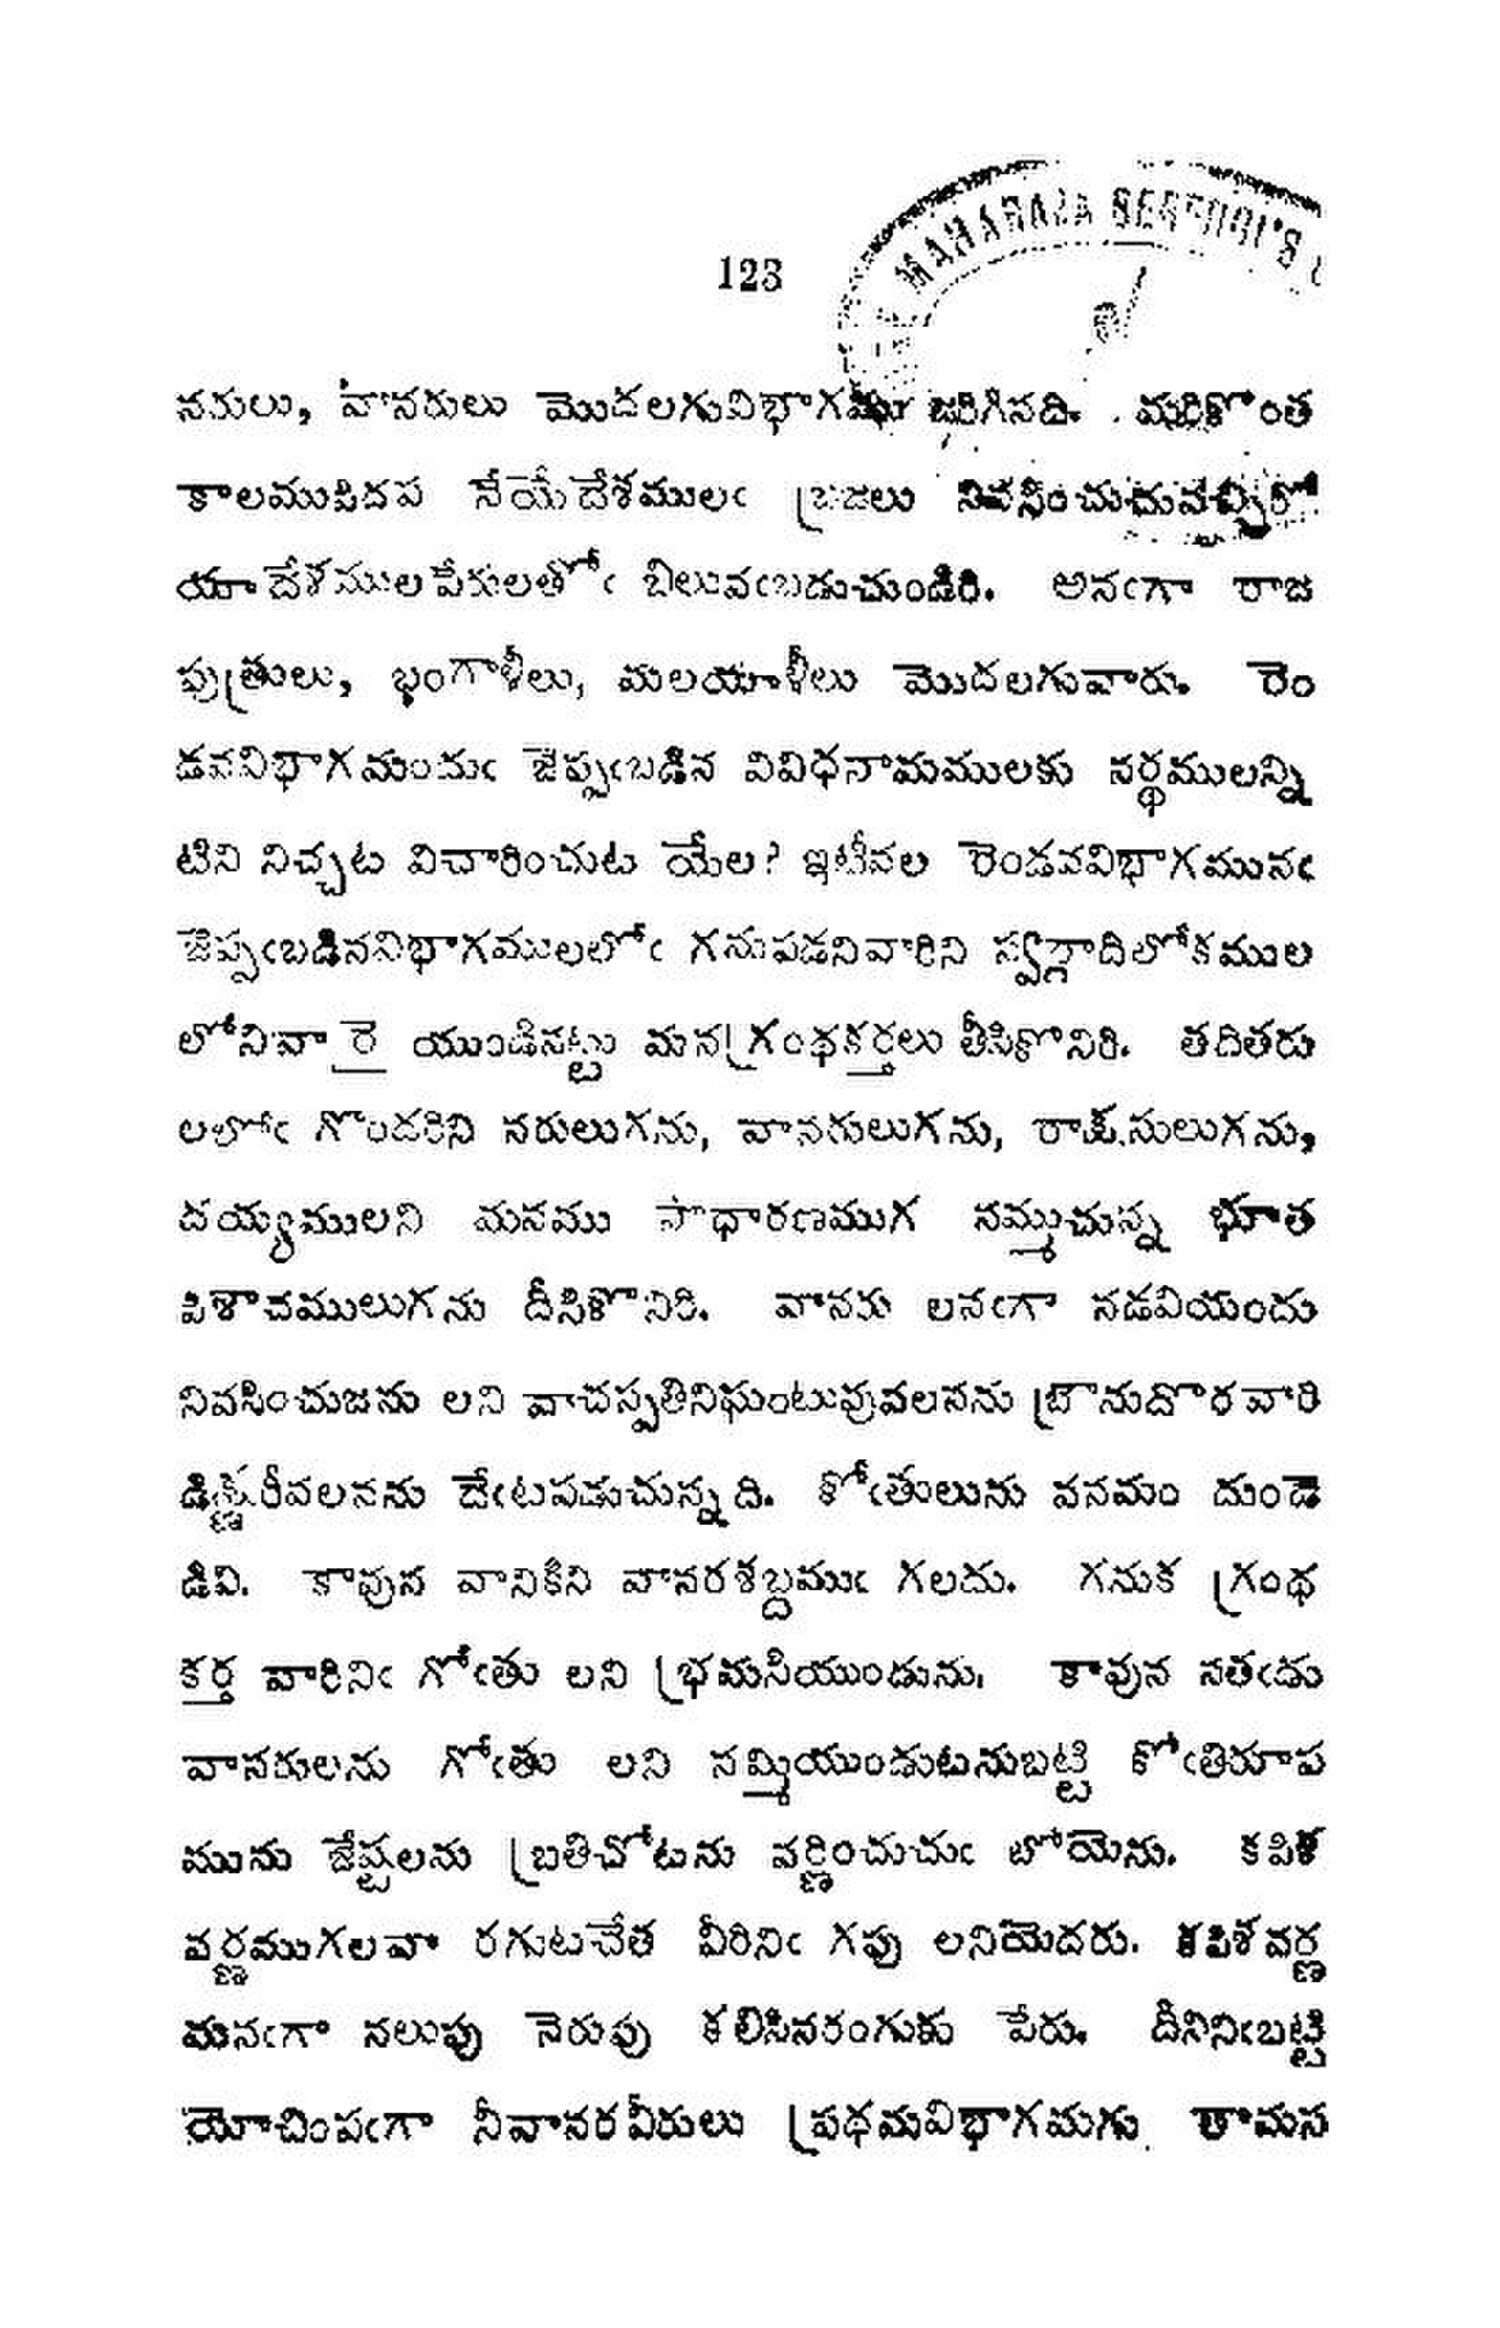నరులు, వానరులు మొదలగువిభాగము జరిగినది. . మరికొంత కాలముపిదప నేయేదేశములఁ బ్రజలు నివసించుచువచ్చిరో యాదేశములపేరులతో బిలువఁబడుచుండిరి. అనగా రాజపుత్రులు, బంగాళీలు, మలయాళీలు మొదలగువారు. రెండవవిభాగమందుఁ జెప్పఁబడిన వివిధనామములకు నర్థములన్నిటిని నిచ్చట విచారించుట యేల? ఇటీవల రెండవవిభాగమునఁ జెప్పఁబడిన విభాగములలోఁ గనుపడనివారిని స్వర్గాదిలోకముల లోనివారై యుండినట్టు మనగ్రంథకర్తలు తీసికొనిరి. తదితరులలోఁ గొందరిని నరులుగను, వానరులుగను, రాక్షసులుగను, దయ్యములని మనము సాధారణముగ నమ్ముచున్న భూత పిశాచములుగను దీసికొనిరి. వానరు లనఁగా నడవియందు నివసించుజను లని వాచస్పతినిఘంటువువలనను బ్రౌనుదొరవారి డిక్ష్ణరీవలనను దేఁటపడుచున్నది. కోఁతులును వనమం దుండెడివి. కావున వానికిని వానరశబ్దముఁ గలదు. గనుక గ్రంథకర్త వారినిఁ గోతు లని భ్రమసియుండును. కావున నతఁడు వానరులను గోఁతు లని నమ్మియుండుటనుబట్టి కోఁతిరూపమును జేష్టలను బ్రతిచోటను వర్ణించుచుఁ బోయెను. కపిశ 
వర్ణముగలవా రగుటచేత వీరినిఁ గపు లనియెదరు. కపిశవర్ణ మనఁగా నలుపు నెరుపు కలిసినరంగుకు పేరు. దీనినిఁబట్టి యోచింపఁగా నీవానరవీరులు ప్రథమవిభాగమగు తామస